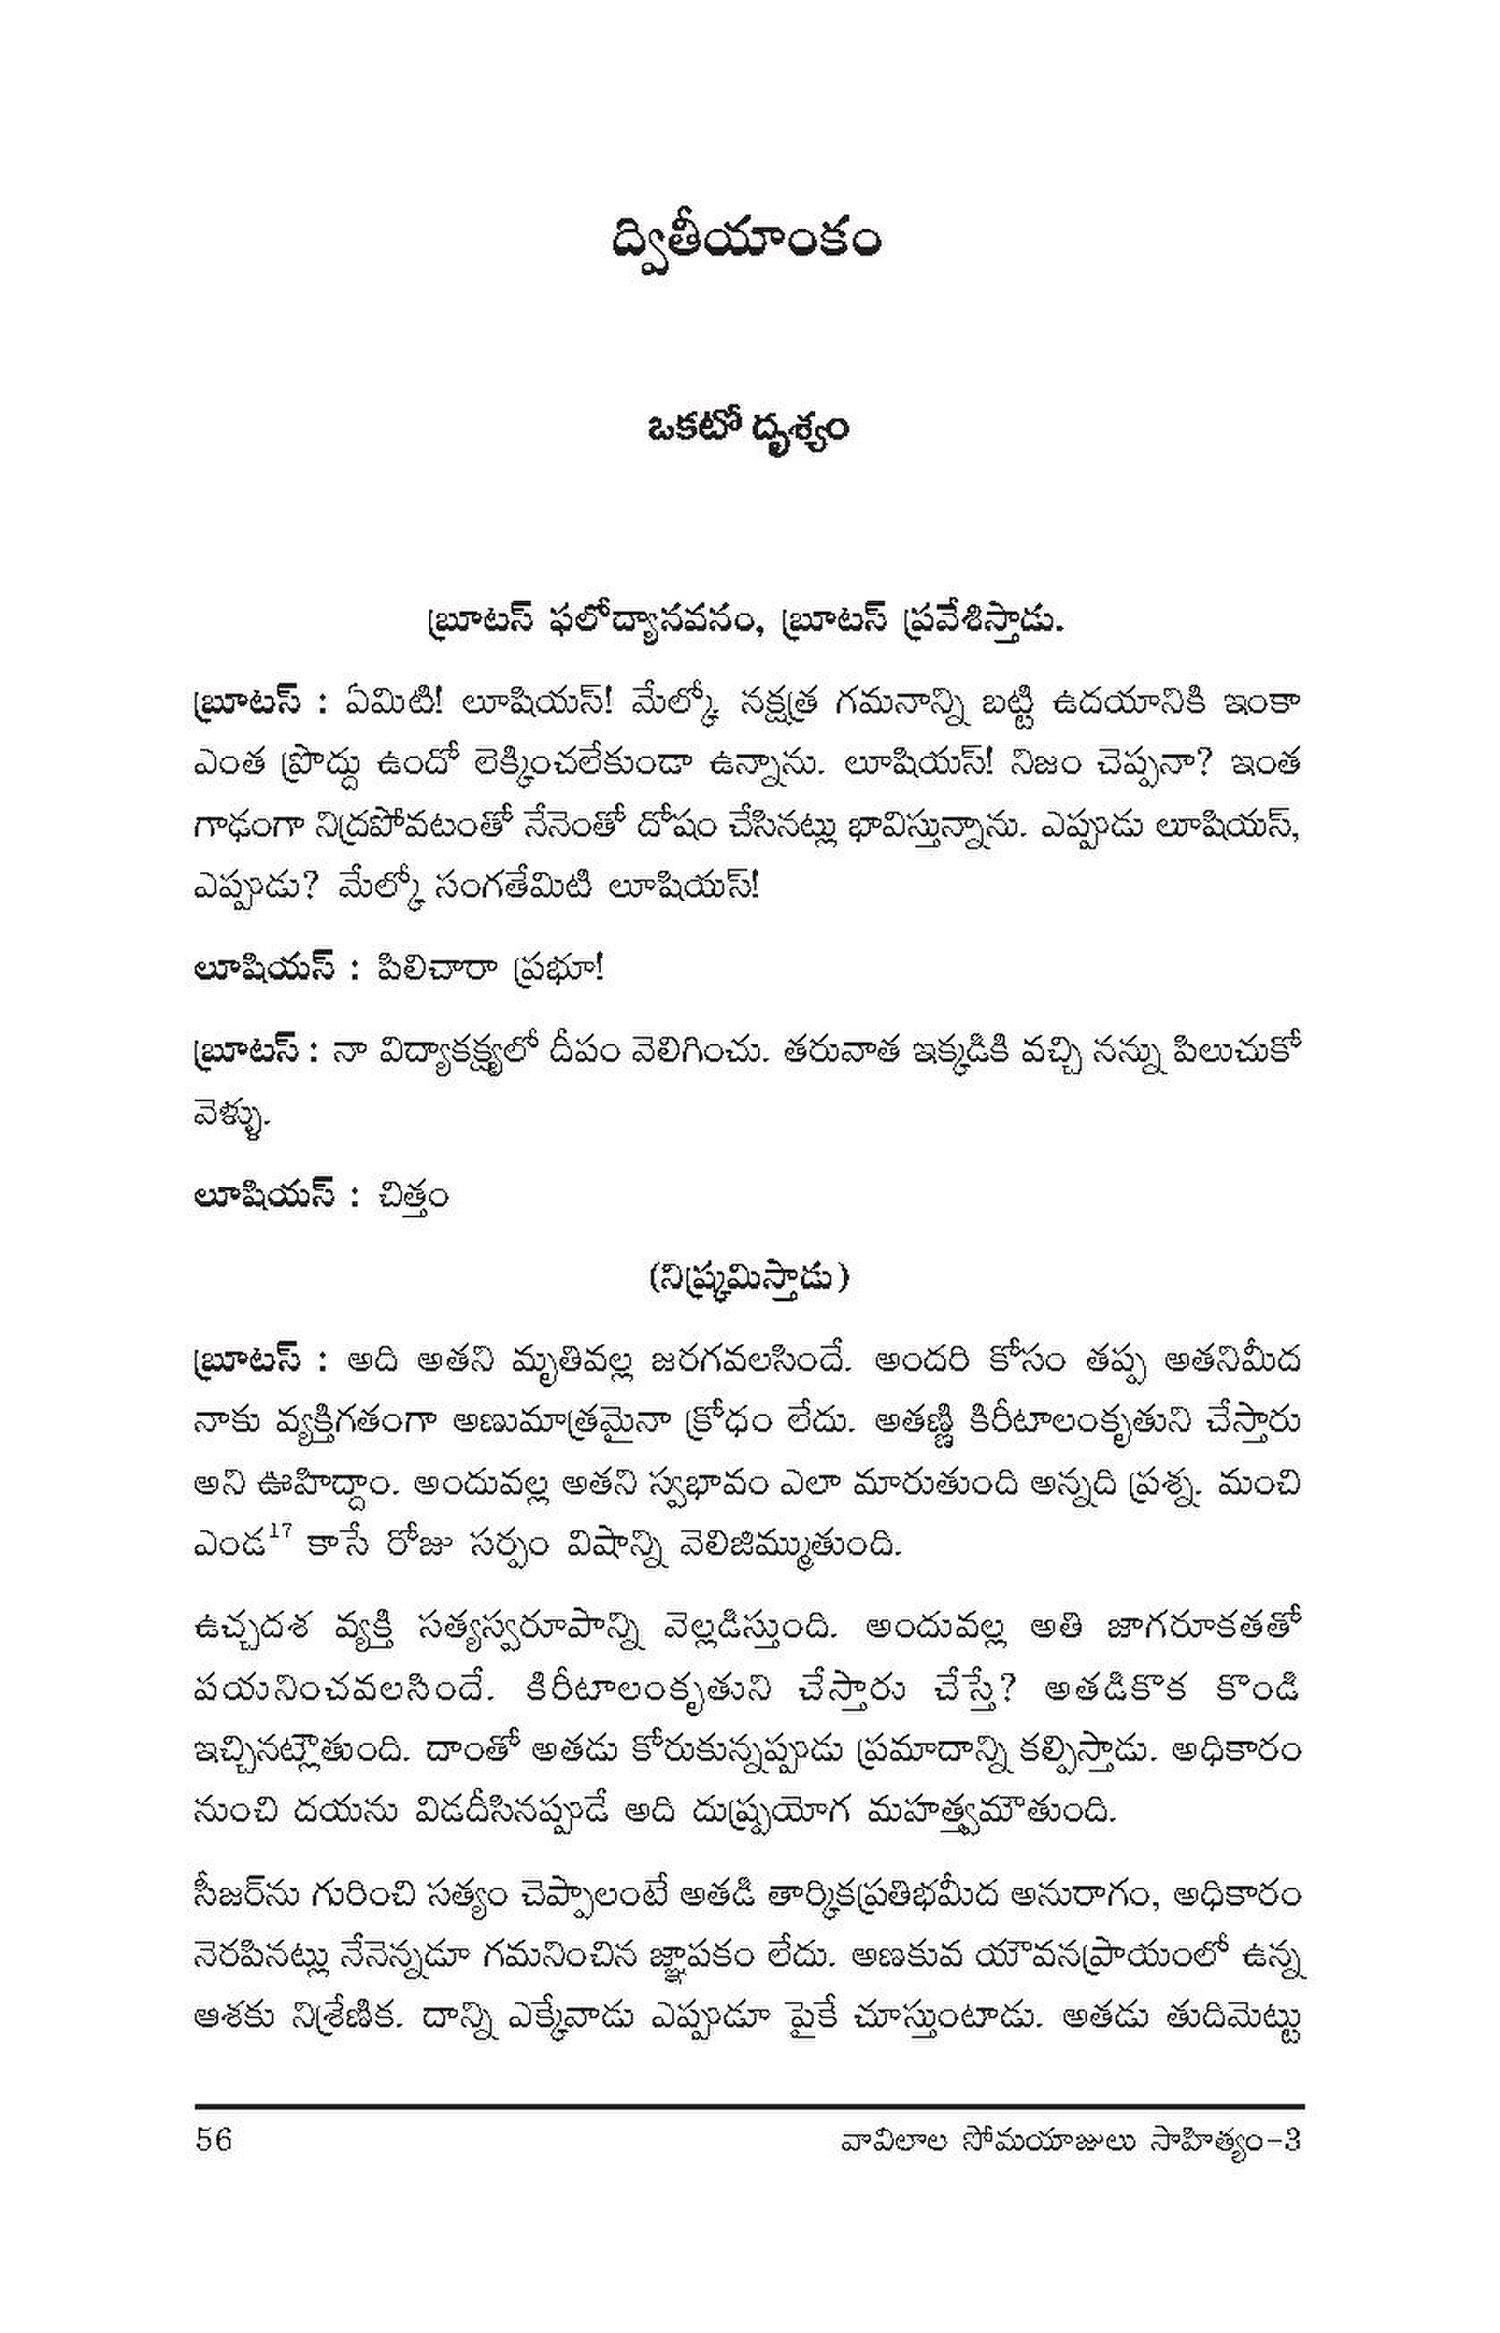బ్రూటస్ : ఏమిటి! లూషియస్! మేల్కో, నక్షత్ర గమనాన్ని బట్టి ఉదయానికి ఇంకా ఎంత ప్రొద్దు ఉందో లెక్కించలేకుండా ఉన్నాను. లూషియస్! నిజం చెప్పనా? ఇంత గాఢంగా నిద్రపోవటంతో నేనెంతో దోషం చేసినట్లు భావిస్తున్నాను. ఎప్పుడు లూషియస్, ఎప్పుడు? మేల్కో సంగతేమిటి లూషియస్!

లూషియస్ : పిలిచారా ప్రభూ!

బ్రూటస్ : నా విద్యాకక్ష్యలో దీపం వెలిగించు. తరువాత ఇక్కడికి వచ్చి నన్ను పిలుచుకో వెళ్ళు.

లూషియస్ : చిత్తం

బ్రూటస్ : అది అతని మృతివల్ల జరగవలసిందే. అందరి కోసం తప్ప అతనిమీద నాకు వ్యక్తిగతంగా అణు మాత్రమైనా క్రోధం లేదు. అతణ్ణి కిరీటాలంకృతుని చేస్తారు అని ఊహిద్దాం. అందువల్ల అతని స్వభావం ఎలా మారుతుంది అన్నది ప్రశ్న. మంచి ఎండ" కాసే రోజు సర్పం విషాన్ని వెలిజిమ్ముతుంది.

ఉచ్ఛదశ వ్యక్తి సత్యస్వరూపాన్ని వెల్లడిస్తుంది. అందువల్ల అతి జాగరూకతతో పయనించవలసిందే. కిరీటాలంకృతుని చేస్తారు చేస్తే? అతడికొక కొండి ఇచ్చినట్లుతుంది. దాంతో అతడు కోరుకున్నప్పుడు ప్రమాదాన్ని కల్పిస్తాడు. అధికారం
నుంచి దయను విడదీసినప్పుడే అది దుష్ప్రయోగ మహత్త్వమౌతుంది.

సీజర్ ను గురించి సత్యం చెప్పాలంటే అతడి తార్కికప్రతిభ మీద అనురాగం, అధికారం నెరపినట్లు నేనెన్నడూ గమనించిన జ్ఞాపకం లేదు. అణకువ యౌవన ప్రాయంలో ఉన్న ఆశకు నిశ్రేణిక. దాన్ని ఎక్కేవాడు ఎప్పుడూ పైకే చూస్తుంటాడు. అతడు తుదిమెట్టు